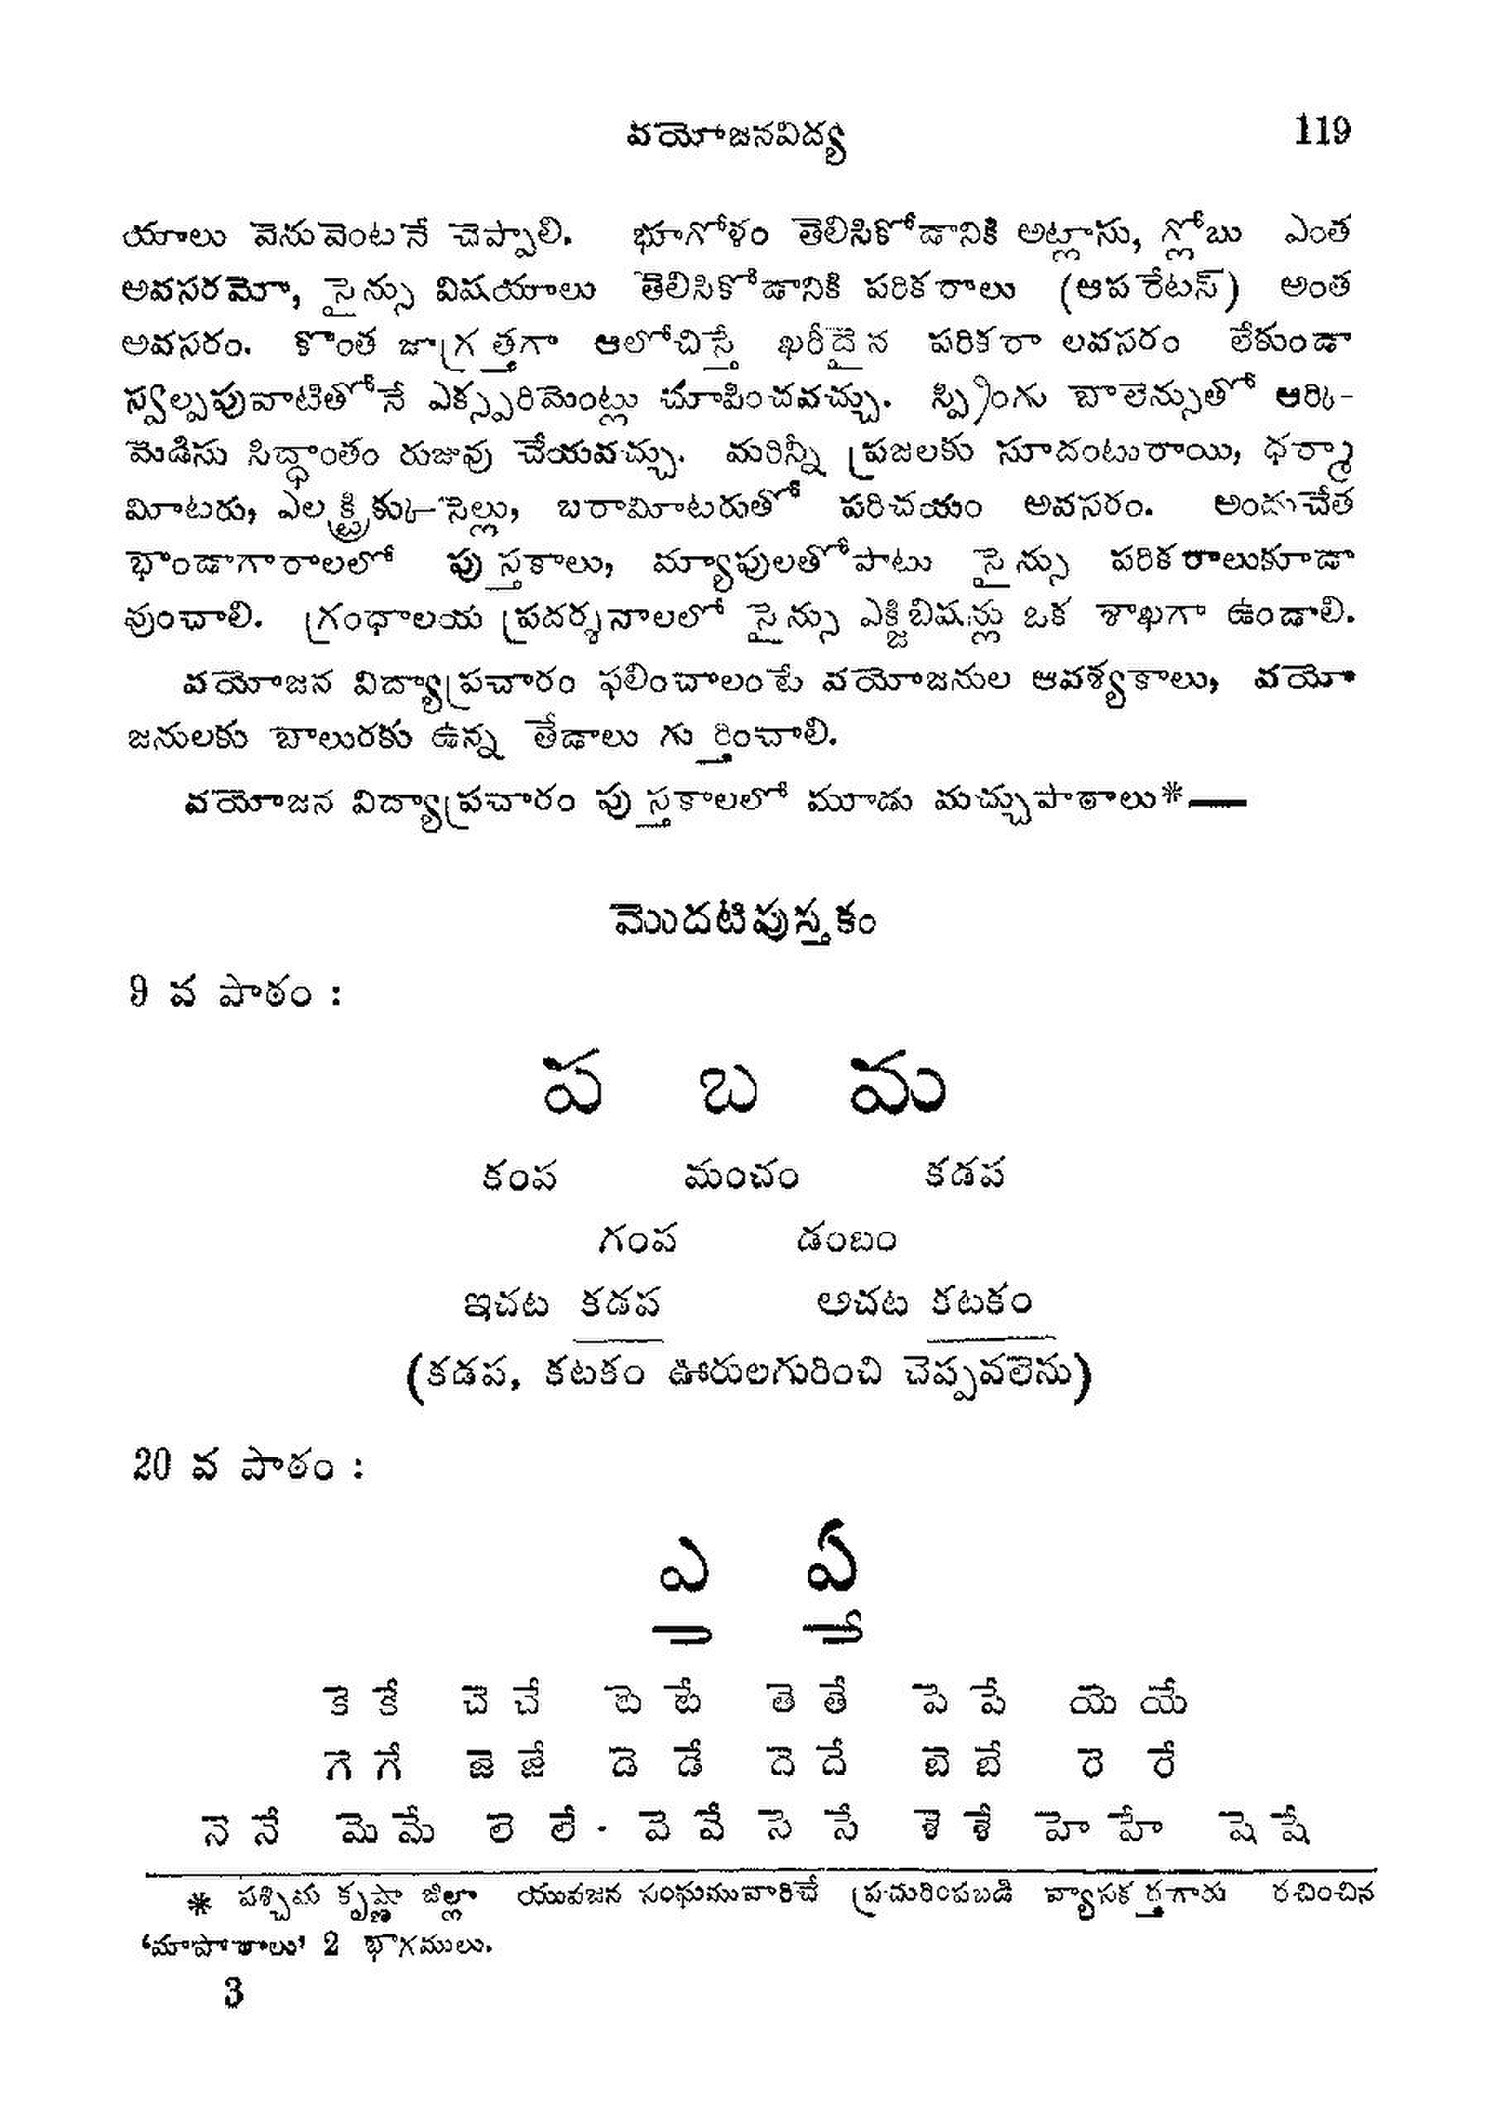యాలు వెనువెంటనే చెప్పాలి. భూగోళం తెలిసికోడానికి అట్లాసు, గ్లోబు ఎంత అవసరమో, సైన్సు విషయాలు తెలిసికోడానికి 
పరికరాలు (ఆపరేటస్) అంత అవసరం. కొంత జాగ్రత్తగా ఆలోచిస్తే ఖరీదైన పరికరాలవసరం లేకుండా స్వల్పపువాటితోనే ఎక్స్పరిమెంట్లు చూపించవచ్చు. స్ప్రింగు బాలెన్సుతో ఆర్కిమెడిసు సిద్ధాంతం రుజువు చేయవచ్చు. మరిన్నీ ప్రజలకు సూదంటురాయి, ధర్మా
మీటరు, ఎలక్ట్రిక్కుసెల్లు, బరామోటరుతో పరిచయం అవసరం. అందుచేత భాండాగారాలలో పుస్తకాలు, మ్యాపులతోపాటు సైన్సు పరికరాలుకూడా వుంచాలి. గ్రంథాలయ ప్రదర్శనాలలో సైన్సు ఎగ్జిబిషన్లు ఒక శాఖగా ఉండాలి. వయోజన విద్యాప్రచారం 
ఫలించాలంటే వయోజనుల ఆవశ్యకాలు, వయోజనులకు బాలురకు ఉన్న తేడాలు గుర్తించాలి.

వయోజన విద్యాప్రచారం పుస్తకాలలో మూడు మచ్చుపాఠాలు* -